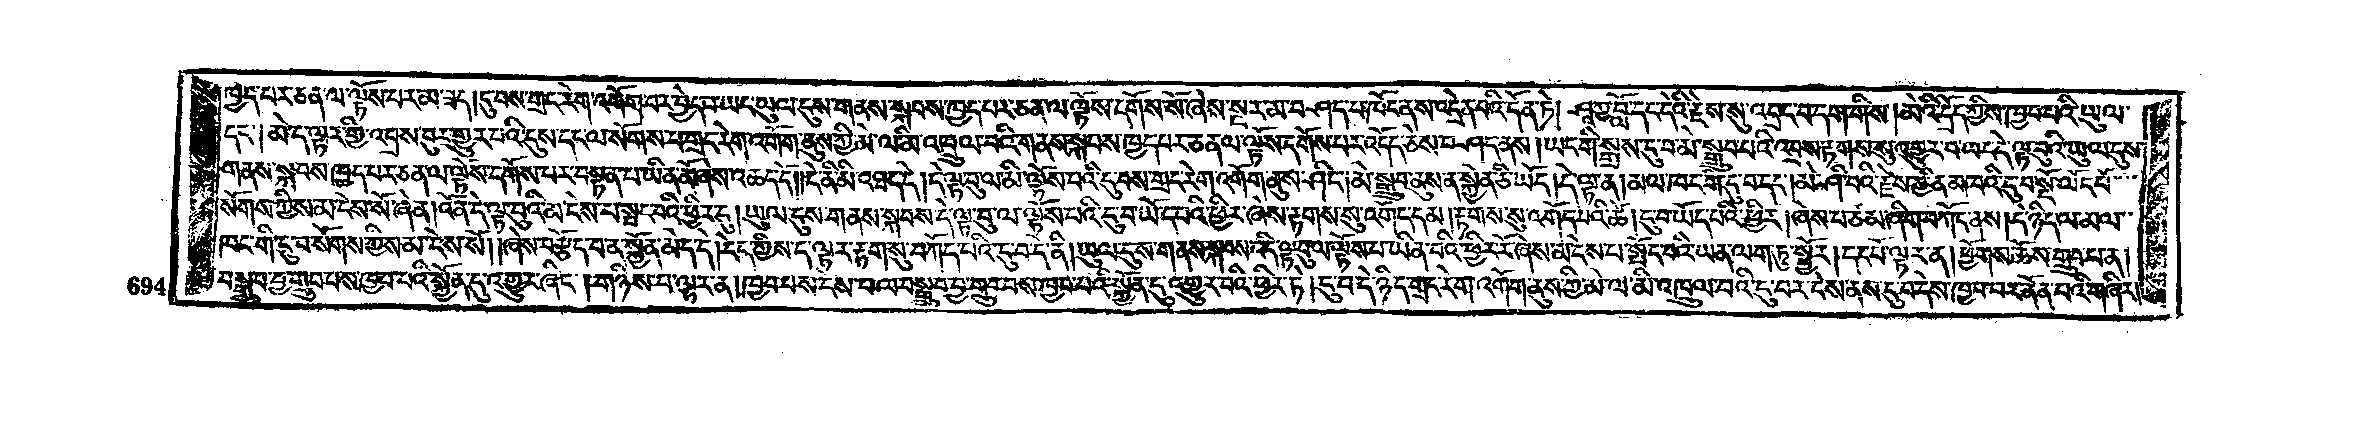ཁྱད་པར་ཅན་ལ་ལྟོས་པར་མ་ཟད། དུ་བས་གྲང་རེག་འགོག་པར་བྱེད་པ་ཡང་ཡུལ་དུས་གནས་སྐབས་ཁྱད་པར་ཅན་ལ་ལྟོས་དགོས་སོ་ཞེས་སྔར་མ་བཤད་པ་ཁོང་ནས་འདྲེན་པའི་དོན་ཏེ། ཤཱཀྱ་བློ་དང་དེའི་རྗེས་སུ་འབྲང་བ་དག་གིས། མེའི་དྲོད་ཀྱིས་ཁྱབ་པའི་ཡུལ་
དང་། མེ་ད་ལྟར་གྱི་འབྲས་བུར་གྱུར་པའི་དུས་དང་ལ་སོགས་པ་གྲང་རེག་འགོག་ནུས་ཀྱི་མེ་ལ་མི་འཁྲུལ་བའི་གནས་སྐབས་ཁྱད་པར་ཅན་ལ་ལྟོས་དགོས་པར་འདོད་ཅེས་བཤད་ནས། ཡང་གི་སྒྲས་དུ་བ་མེ་སྒྲུབ་པའི་འབྲས་རྟགས་སུ་འགྱུར་བ་ཡང་དེ་ལྟ་བུའི་ཡུལ་དུས་
གནས་སྐབས་ཁྱད་པར་ཅན་ལ་ལྟོས་དགོས་པར་བསྟན་པ་ཡིན་ནོ་ཞེས་འཆད་དོ། །དེ་ནི་མི་འཐད་དེ། དེ་ལྟ་བུ་ལ་མི་ལྟོས་པའི་དུ་བས་གྲང་རེག་འགོག་ནུས་ཤིང་། མེ་སྒྲུབ་ནུས་ན་སྐྱོན་ཅི་ཡོད། དེ་ལྟ་ན། མལ་ཁང་གི་དུ་བ་དང་། མེ་ཤི་བའི་རྗེས་ཀྱི་ནམ་མཁའི་དུ་བ་སྔོ་ལོང་པོ་
སོགས་ཀྱིས་མ་ངེས་སོ་ཞེ་ན། འོ་ན་དེ་ལྟ་བུའི་མ་ངེས་པ་སྤང་བའི་ཕྱིར་དུ། ཡུལ་དུས་གནས་སྐབས་དེ་ལྟ་བུ་ལ་ལྟོས་པའི་དུ་བ་ཡོད་པའི་ཕྱིར་ཞེས་རྟགས་སུ་འགོད་དམ། རྟགས་སུ་འགོད་པའི་ཚེ། དུ་བ་ཡོད་པའི་ཕྱིར། ཞེས་པ་ཙམ་ཞིག་བཀོད་ནས། དེ་ཉིད་ལ་མལ་
ཁང་གི་དུ་བ་སོགས་ཀྱིས་མ་ངེས་སོ། །ཞེས་བརྩོད་པ་ན་སྐྱོན་མེད་དེ། ངེད་ཀྱིས་ད་ལྟར་རྟགས་སུ་བཀོད་པའི་དུ་བ་དེ་ནི། ཡུལ་དུས་གནས་སྐབས་འདི་ལྟ་བུ་ལ་ལྟོས་པ་ཡིན་པའི་ཕྱིར་རོ་ཞེས་མ་ངེས་པ་སྤོང་བའི་ཡན་ལག་ཏུ་སྦྱོར། དང་པོ་ལྟར་ན། ཕྱོགས་ཆོས་གྲུབ་པ་ན།
བསྒྲུབ་བྱ་གྲུབ་པས་ཁྱབ་པའི་སྐྱོན་དུ་འགྱུར་ཞིང་། གཉིས་པ་ལྟར་ན། ཁྱབ་པས་ངེས་པ་ལ་བསྒྲུབ་བྱ་གྲུབ་པས་ཁྱབ་པའི་སྐྱོན་དུ་འགྱུར་བའི་ཕྱིར་ཏེ། དུ་བ་དེ་ཉིད་གྲང་རེག་འགོག་ནུས་ཀྱི་མེ་ལ་མི་འཁྲུལ་བའི་དུ་བར་ངེས་ནས་དུ་བ་དེས་ཁྱབ་པར་ནོན་པའི་གཞིར།